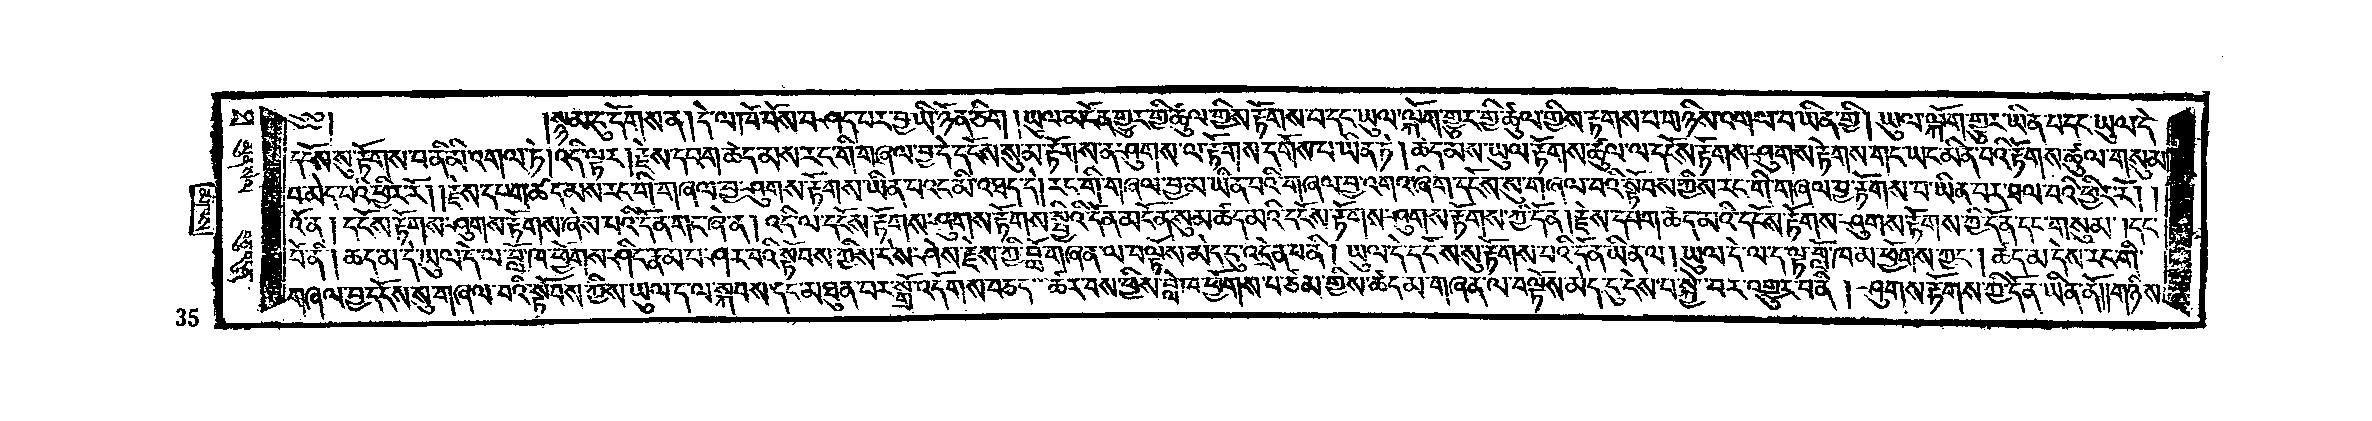༄༅། །སྙམ་དུ་དོགས་ན། དེ་ལ་ཁོ་བོས་བཤད་པར་བྱ་ཡི་ཉོན་ཅིག །ཡུལ་མངོན་གྱུར་གྱི་ཚུལ་གྱིས་རྟོགས་པ་དང་ཡུལ་ལྐོག་གྱུར་གྱི་ཚུལ་གྱིས་རྟགས་པ་གཉིས་འགལ་བ་ཡིན་གྱི། ཡུལ་ལྐོག་གྱུར་ཡིན་པ་དང་ཡུལ་དེ་
དངོས་སུ་རྟོགས་པ་ནི་མི་འགལ་ཏེ། འདི་ལྟར། རྗེས་དཔག་ཆེད་མས་རང་གི་གཞལ་བྱ་དེ་དངོས་སུ་མ་རྟོགས་ན་ཤུགས་ལ་རྟོགས་དགོས་པ་ཡིན་ཏེ། ཚད་མས་ཡུལ་རྟོགས་?་ཚུལ་ལ་དངོས་རྟོགས་ཤུགས་རྟོགས་?་གང་ཡང་མིན་པའི་རྟོགས་?་ཚུལ་གསུམ་
པ་མེད་པའི་ཕྱིར་རོ། །རྗེས་དཔག་ཚད་མས་རང་གི་གཞལ་བྱ་ཤུགས་རྟོགས་ཡིན་པའང་མི་འཐད་དེ། རང་གི་གཞལ་བྱ་མ་ཡིན་པའི་གཞལ་བྱ་འགའ་ཞིག་དངོས་སུ་གཞལ་བའི་སྟོབས་ཀྱིས་རང་གི་གཞལ་བྱ་རྟོགས་པ་ཡིན་པར་ཐལ་བའི་ཕྱིར་རོ། །
འོ་ན། དངོས་རྟོགས་ཤུགས་རྟོགས་ཞེས་པའི་དོན་གང་ཞེ་ན། འདི་ལ་དངོས་རྟོགས་?་ཤུགས་རྟོགས་?་སྤྱིའི་དོན་མངོན་སུམ་ཚད་མའི་དངོས་རྟོགས་?་ཤུགས་རྟོགས་ཀྱི་དོན། རྗེས་དཔག་ཚད་མའི་དངོས་རྟོགས་ཤུགས་རྟོགས་ཀྱི་དོན་དང་གསུམ། དང་
པོ་ནི། ཚད་མ་དེ་ཡུལ་དེ་ལ་བློ་ཁ་ཕྱོགས་ཤིང་རྣམ་པ་ཤར་བའི་སྟོབས་ཀྱིས་ངེས་ཤེས་རྗེས་ཀྱི་བློ་གཞན་ལ་བལྟོས་མེད་དུ་འདྲེན་པ་ནི། ཡུལ་དེ་དངོས་སུ་རྟོགས་པའི་དོན་ཡིན་ལ། ཡུལ་དེ་ལ་ད་ལྟ་བློ་ཁ་མ་ཕྱོགས་ཀྱང་། ཚད་མ་དེས་རང་གི་
གཞལ་བྱ་དངོས་སུ་གཞལ་བའི་སྟོབས་ཀྱིས་ཡུལ་ད་ལ་སྐབས་དང་མཐུན་པར་སྒྲོ་འདོགས་བཅད་ཚར་བས་ཕྱིས་བློ་ཁ་ཕྱོགས་པ་ཙམ་གྱིས་ཚད་མ་གཞན་ལ་བལྟོས་མེད་དུ་ངེས་པ་སྐྱེ་བར་འགྱུར་བ་ནི། ཤུགས་རྟོགས་ཀྱི་དོན་ཡིན་ནོ། །གཉིས་